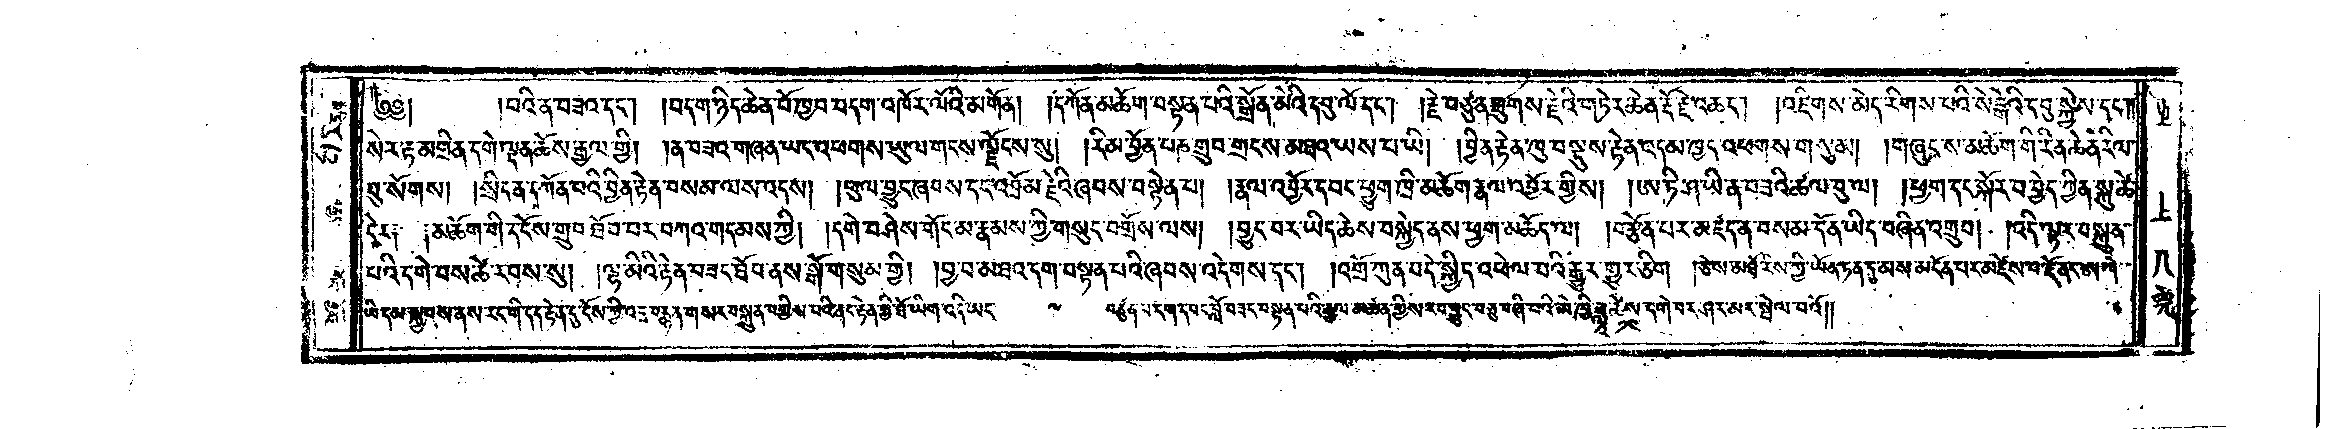༄༅། །པའི་ན་བཟའ་དང་། །བདག་ཉིད་ཆེན་པོ་ཁྱབ་བདག་འཁོར་ལོའི་མགོན། །དཀོན་མཆོག་བསྟན་པའི་སྒྲོན་མེའི་དབུ་ལོ་དང་། །རྗེ་བཙུན་ཐུགས་རྗེའི་གཏེར་ཆེན་རྡོ་རྗེ་འཆང་། །འཇིགས་མེད་རིགས་པའི་སེངྒེའི་དབུ་སྐྱེས་དང་།
སེ་ར་རྟ་མགྲིན་དགེ་ལྡན་ཆོས་རྒྱལ་གྱི། །ན་བཟའ་གཞན་ཡང་འཕགས་ཡུལ་གངས་ལྗོངས་སུ། །རིམ་བྱོན་པཎ་གྲུབ་གྲངས་མཐའ་ཡས་པ་ཡི། །བྱིན་རྟེན་ཁུ་བསྡུས་རྟེན་འདམ་ཁྱད་འཕགས་གསུམ། །གཞུང་ས་མཆོག་གི་རིན་ཆེན་རིལ་
བུ་སོགས། །སྲིད་ན་དཀོན་པའི་བྱིན་རྟེན་བསམ་ལས་འདས། །ཕུལ་བྱུང་ཞབས་དང་འབྲོམ་རྗེའི་ཞབས་བསྟེན་པ། །རྣལ་འབྱོར་དབང་ཕྱུག་ཁྲི་མཆོག་རྣལ་འབྱོར་གྱིས། །ཨ་ཏི་ཤ་ཡི་ན་བཟའི་ཚལ་བུ་ལ། །ཕྱག་དང་སྐོར་བ་བྱེད་ཀྱིན་སྐུ་ཚེ་
དེར༑ ༑མཆོག་གི་དངོས་གྲུབ་ཐོབ་པར་བཀའ་གདམས་ཀྱི། །དགེ་བཤེས་གོང་མ་རྣམས་ཀྱི་གསུང་བགྲོས་ལས། །བྱུང་བར་ཡིད་ཆེས་བསྐྱེད་ནས་ཕྱག་མཆོད་ལ། །བརྩོན་པར་མཛད་ན་བསམ་དོན་ཡིད་བཞིན་འགྲུབ། །འདི་ལྟར་བསྐྲུན་
པའི་དགེ་བས་ཚེ་རབས་སུ། །ལྷ་མིའི་རྟེན་བཟང་ཐོབ་ནས་སྒོ་གསུམ་གྱི། །བྱ་བ་མཐའ་དག་བསྟན་པའི་ཞབས་འདེགས་དང་། །འགྲོ་ཀུན་བདེ་སྐྱིད་འཕེལ་བའི་རྒྱུར་གྱུར་ཅིག །ཅེས་མཐོ་རིས་ཀྱི་ཡོན་ཏན་དུ་མས་མངོན་པར་མཛེས་བ་ཇོ་ནང་ཨ་ཀེ་
ཡི་དམ་སྐྱབས་ནས་རང་གི་དད་རྟེན་དུ་ངོས་ཀྱི་འདྲ་བརྙན་གསར་བསྐྲུན་བགྱིས་པའི་ནང་རྟེན་གྱི་ཐོ་ཡིག་འདི་ཡང ༧་བཙུན་པ་ངག་དབང་བློ་བཟང་བསྟན་པའི་རྒྱལ་མཚན་གྱིས་རབ་བྱུང་བཅུ་བཞི་པའི་མེ་ཁྱི་ཟླ ༢་ཚེས ༡༤་དགེ་བར་ཤར་མར་སྤེལ་བའོ།།